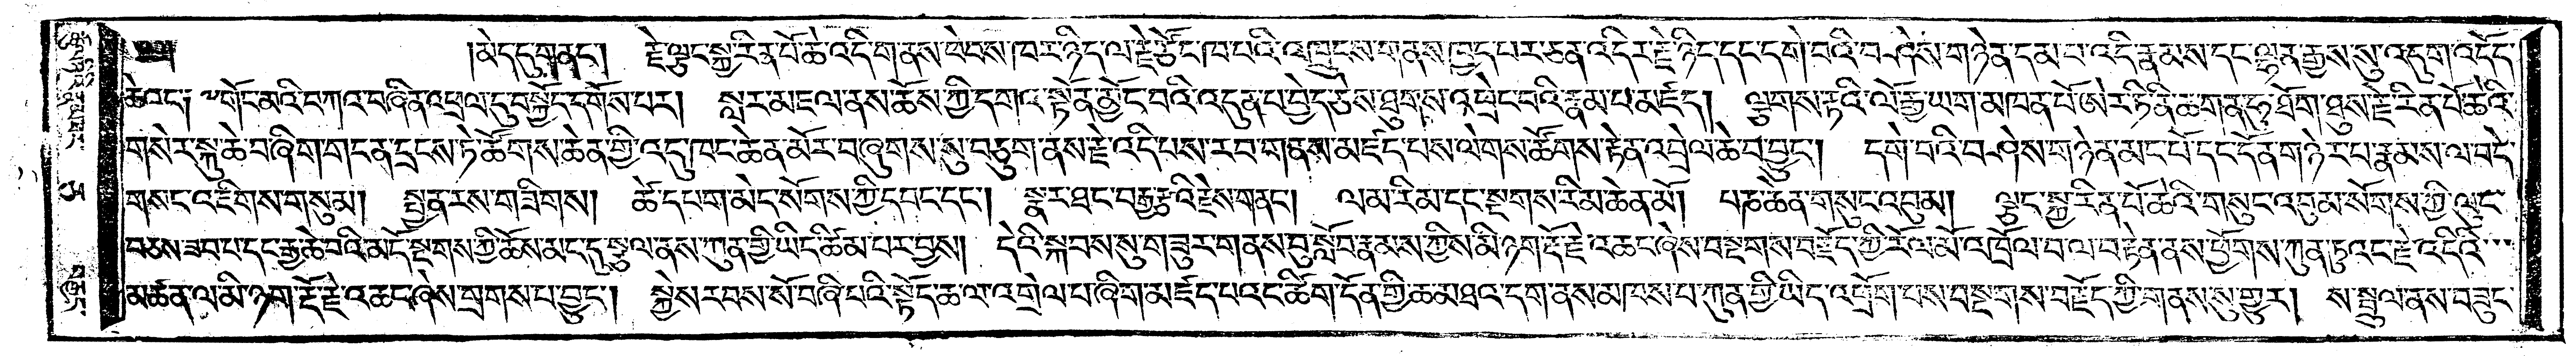༄༅། །མེད་དུ་གནང་། རྗེ་ལྕང་སྐྱ་རིན་པོ་ཆེ་འདི་གནས་ཕེབས་ཁར་ཉིད་ལ་རྗེ་ཙོང་ཁ་པའི་འཁྲུངས་གནས་ཁྱད་པར་ཅན་འདིར་རྗེ་ཉིད་དང་དགེ་བའི་བཤེས་གཉེན་དམ་པ་འདི་རྣམས་དང་ལྷན་རྒྱས་སུ་འདུག་འདོད་
ཆེའང་། ༧་གོང་མའི་བཀའ་བཞིན་འཕྲལ་དུ་བསྐྱོད་དགོས་པར། སླར་མཇལ་ནས་ཆོས་ཀྱི་དགའ་སྟོན་མྱོང་བའི་འདུན་པ་བྱེད་ཅེས་ཐུགས་འཕྲེང་བའི་རྣམ་པ་མཛད། ལྕགས་རྟའི་ལོ་རྒྱ་ཡག་མཁན་པོ་ཨེར་ཏི་ནི་ཆག་ན་ཧུ་ཐོག་ཐུས་རྗེ་རིན་པོ་ཆེའི་
གསེར་སྐུ་ཆེ་བ་ཞིག་གདན་དྲངས་ཏེ་ཚོགས་ཆེན་གྱི་འདུ་ཁང་ཆེན་མོར་བཞུགས་སུ་བཅུག་ནས་རྗེ་འདི་པས་རབ་གནས་མཛད་པས་ལེགས་ཚོགས་རྟེན་འབྲེལ་ཆེ་བ་བྱུང་། དགེ་བའི་བཤེས་གཉེན་མང་པོ་དང་དོན་གཉེར་པ་རྣམས་ལ་བདེ་
གསང་འཇིགས་གསུམ། སྤྱན་རས་གཟིགས། ཚེ་དཔག་མེད་སོགས་ཀྱི་དབང་དང་། སྣར་ཐང་བརྒྱ་རྩའི་རྗེས་གནང་། ལམ་རིམ་དང་སྔགས་རིམ་ཆེན་མོ། པཎ་ཆེན་གསུང་འབུམ། ལྕང་སྐྱ་རིན་པོ་ཆེའི་གསུང་འབུམ་སོགས་ཀྱི་ལུང་
བཅས་ཟབ་པ་དང་རྒྱ་ཆེ་བའི་མདོ་སྔགས་ཀྱི་ཆོས་མང་དུ་སྩལ་ནས་ཀུན་གྱི་ཡིད་ཚིམ་བར་བྱས། དེའི་སྐབས་སུ་གཟུར་གནས་བུ་སློབ་རྣམས་ཀྱིས་མི་ཉག་རྡོ་རྗེ་འཆང་ཞེས་བསྔགས་བརྗོད་ཀྱི་རོལ་མོ་འཁྲོལ་བ་ལ་བརྟེན་ནས་ཕྱོགས་ཀུན་ཏུའང་རྗེ་འདིའི་
མཚན་ལ་མི་ཉག་རྡོ་རྗེ་འཆང་ཞེས་གྲགས་པ་བྱུང་། སྐྱེས་རབས་སོ་བཞི་བའི་སྟོད་ཆ་ལ་འགྲེལ་པ་ཞིག་མཛད་པའང་ཚིག་དོན་གྱི་ཆ་མཐའ་དག་ནས་མཁས་པ་ཀུན་གྱི་ཡིད་འཕྲོག་པས་བསྔགས་བརྗོད་ཀྱི་གནས་སུ་གྱུར། ས་སྦྲུལ་ནས་བཟུང་